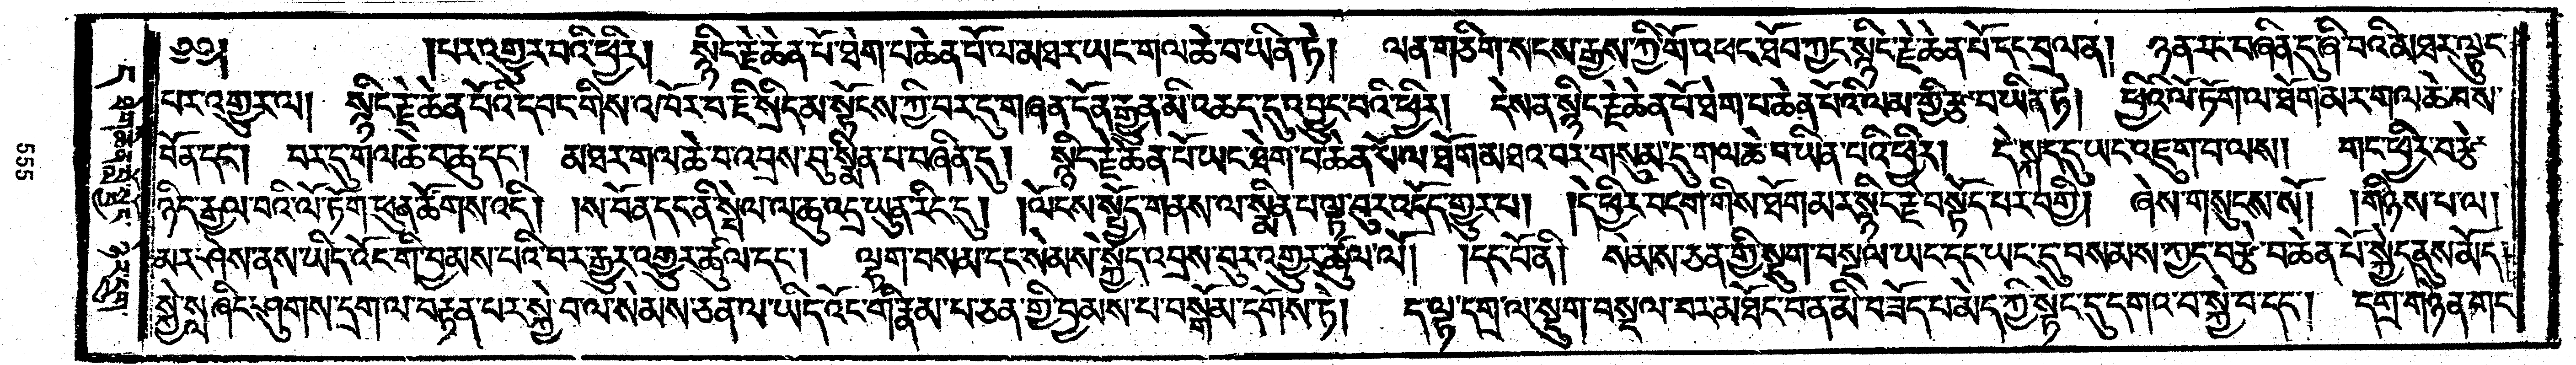༄༅། །པར་འགྱུར་བའི་ཕྱིར། སྙིང་རྗེ་ཆེན་པོ་ཐེག་པ་ཆེན་པོ་ལ་མཐར་ཡང་གལ་ཆེ་བ་ཡིན་ཏེ། ལན་གཅིག་སངས་རྒྱས་ཀྱི་གོ་འཕང་ཐོབ་ཀྱང་སྙིང་རྗེ་ཆེན་པོ་དང་བྲལ་ན། ཉན་རང་བཞིན་དུ་ཞི་བའི་མཐར་ལྟུང་
པར་འགྱུར་ལ། སྙིང་རྗེ་ཆེན་པོའི་དབང་གིས་འཁོར་བ་ཇི་སྲིད་མ་སྟོངས་ཀྱི་བར་དུ་གཞན་དོན་རྒྱུན་མི་འཆད་དུ་འབྱུང་བའི་ཕྱིར། དེས་ན་སྙིང་རྗེ་ཆེན་པོ་ཐེག་པ་ཆེན་པོའི་ལམ་གྱི་རྩ་བ་ཡིན་ཏེ། ཕྱིའི་ལོ་ཏོག་ལ་ཐོག་མར་གལ་ཆེ་བས་
བོན་དང་། བར་དུ་གལ་ཆེ་བ་ཆུ་དང་། མཐར་གལ་ཆེ་བ་འབྲས་བུ་སྨིན་པ་བཞིན་དུ། སྙིང་རྗེ་ཆེན་པོ་ཡང་ཐེག་པ་ཆེན་པོ་ལ་ཐོག་མཐའ་བར་གསུམ་དུ་གལ་ཆེ་བ་ཡིན་པའི་ཕྱིར། དེ་སྐད་དུ་ཡང་འཇུག་བ་ལས། གང་ཕྱིར་བརྩེ་
ཉིད་རྒྱལ་བའི་ལོ་ཏོག་ཕུན་ཚོགས་འདི། །ས་བོན་དང་ནི་སྤེལ་ལ་ཆུ་འདྲ་ཡུན་རིང་དུ། །ལོངས་སྤྱོད་གནས་ལ་སྨིན་པ་ལྟ་བུར་འདོད་གྱུར་པ། །དེ་ཕྱིར་བདག་གིས་ཐོག་མར་སྙིང་རྗེ་བསྟོད་པར་བགྱི། ཞེས་གསུངས་སོ། །གཉིས་པ་ལ།
མར་ཤེས་ནས་ཡིད་འོང་གི་བྱམས་པའི་བར་རྒྱུར་འགྱུར་ཚུལ་དང་། ལྷག་བསམ་དང་སེམས་སྐྱེད་འབྲས་བུར་འགྱུར་ཚུལ་ལོ། །དང་པོ་ནི། སེམས་ཅན་གྱི་སྡུག་བསྔལ་ཡང་དང་ཡང་དུ་བསམས་ཀྱང་བརྩེ་བ་ཆེན་པོ་སྐྱེད་ནུས་མོད་
སྐྱེ་སླ་ཞིང་ཤུགས་དྲག་ལ་བརྟན་པར་སྐྱེ་བ་ལ་སེམས་ཅན་ལ་ཡིད་འོང་གི་རྣམ་པ་ཅན་གྱི་བྱམས་པ་བསྒོམ་དགོས་ཏེ། ད་ལྟ་དགྲ་ལ་སྡུག་བསྔལ་བར་མཐོང་བ་ན་མི་བཟོད་པ་མེད་ཀྱི་སྟེང་དུ་དགའ་བ་སྐྱེ་བ་དང་། དགྲ་གཉེན་གང་